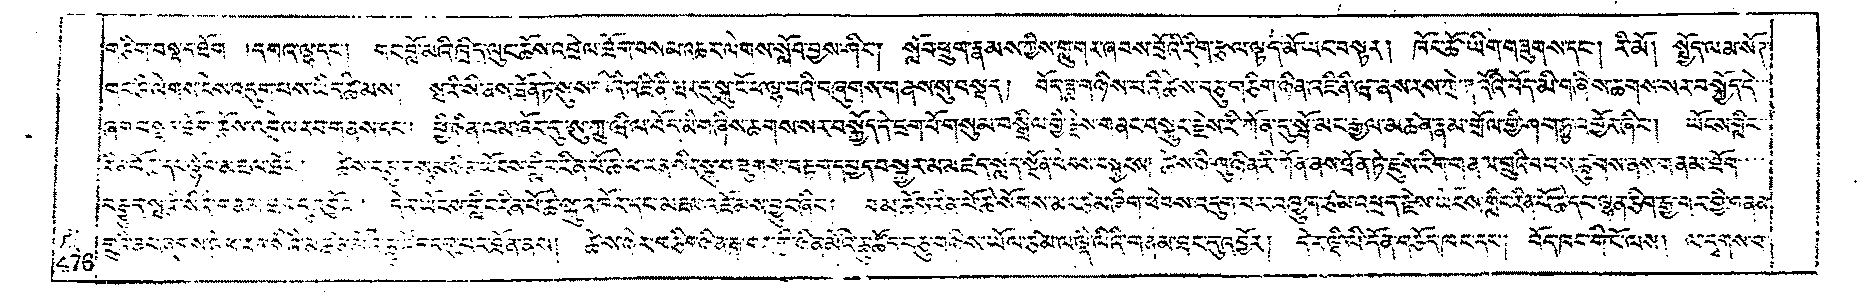གཅིག་བསྡད་ཐོག །དགའ་ལྷ་དང་། གང་བློ་མའི་ཁྲིད་ལུང་ཆོས་འབྲེལ་ཐོག་བསམ་འཆར་ལེགས་སློབ་བྱས་ཤིང་། སློབ་ཕྲུག་རྣམས་ཀྱིས་གླུ་གར་ཞབས་བྲོའི་རིག་རྩལ་ལྟད་མོ་ཡང་བསྟར། ཁོང་ཚོ་ཡིག་གཟུགས་དང་། རི་མོ། སྤྱོད་ལམ་སོགས་
གང་ཅི་ལེགས་ངེས་འདུག་པས་ཡིད་ཚིམས། སྤ་རི་སི་ནས་ཐོན་ཏེ་སུས་སིའི་འཛིན་ནི་ཝར་དུ་སྐུ་ངོ་ཕ་ལྷ་བའི་བཞུགས་གནས་སུ་བསྡད། བོད་ཟླ་གཉིས་པའི་ཚེས་བཅུ་གཅིག་ཉིན་འཇི་ནི་ཝ་ནས་རས་ཀྲེ་ནའོའི་བོད་མི་གཞིས་ཆགས་སར་བསྐྱོད་དེ་
ཞག་བསྡད་ཐོག་ཆོས་འབྲེལ་རབ་གནས་དང་། ཕྱི་ཉིན་ལམ་ཞོར་དུ་ཨུ་ཀྲུ་ཝི་ལ་བོད་མི་གཞིས་ཆགས་སར་བསྐྱོད་དེ་དྲག་པོ་གསུམ་བསྒྲིལ་གྱི་རྗེས་གནང་བསྐུར་རྗེས་རི་ཀོན་དུ་སྒོ་མང་རྒྱལ་མཚན་རྣམ་གྲོལ་གྱི་ཤག་ཏུ་འབྱོར་ཞིང་། ཡོངས་གླིང་
རིན་པོ་ཆེ་དང་ལྷོད་མཇལ་ཐོབ། ཚེས་བཅུ་གསུམ་ཉིན་ཡོངས་གླིང་རིན་པོ་ཆེ་ཕ་རན་སིར་སྐུ་གཟུགས་བརྟག་དཔྱད་བསྐྱར་མ་མཛད་སླད་སྔོན་ཕེབས་བསྐྱངས། ཚེས་ཉི་ཤུ་ཉིན་རི་ཀོན་ནས་ཐོན་ཏེ་ཛུས་རིག་གནམ་གྲུའི་བབས་ཚུགས་ནས་གནམ་ཐོག་
བརྒྱུད་སྤ་རི་སིའི་གནམ་ཐང་དུ་འབྱོར། དེར་ཡོངས་གླིང་རིན་པོ་ཆེ་སྐུ་འཁོར་དང་མཇལ་འཛོམས་བྱུང་ཞིང་། བམ་ཆོས་རིན་པོ་ཆེ་སོགས་མང་ཙམ་ཞིག་ཕེབས་འདུག་པར་འཁྱུག་ཙམ་འཕྲད་རྗེས་ཡོངས་གླིང་རིན་པོ་ཆེ་དང་ལྷན་ཅིག་རྒྱ་གར་གྱི་གནམ་
གྲུའི་ནང་ཞུགས་ཏེ་ཕ་རན་སིའི་མཚན་མོའི་ཆུ་ཚོད་དགུ་པར་ཐོན་ནས། ཚེས་ཉེར་གཅིག་ཉིན་རྒྱ་གར་གྱི་ཉིན་མོའི་ཆུ་ཚོད་བཅུ་གཉིས་ཡོལ་ཙམ་ལ་ལྡི་ལིའི་གནམ་ཐང་དུ་འབྱོར། དེར་ལྡི་ལི་དོན་གཅོད་ཁང་དང་། བོད་ཁང་གི་ངོ་ལས། ལ་དྭགས་པ་